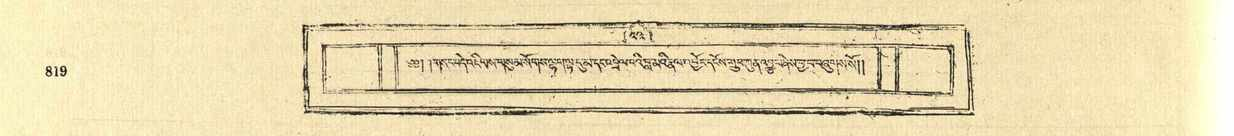༄༅། །གསང་བདེ་འཇིགས་གསུམ་སོགས་ལྷག་ལྷ་དུ་མ་དང་འབྲེལ་བའི་བླ་མའི་རྣལ་འབྱོར་དངོས་གྲུབ་ཀུན་འབྱུང་ཞེས་བྱ་བ་བཞུགས་སོ། །